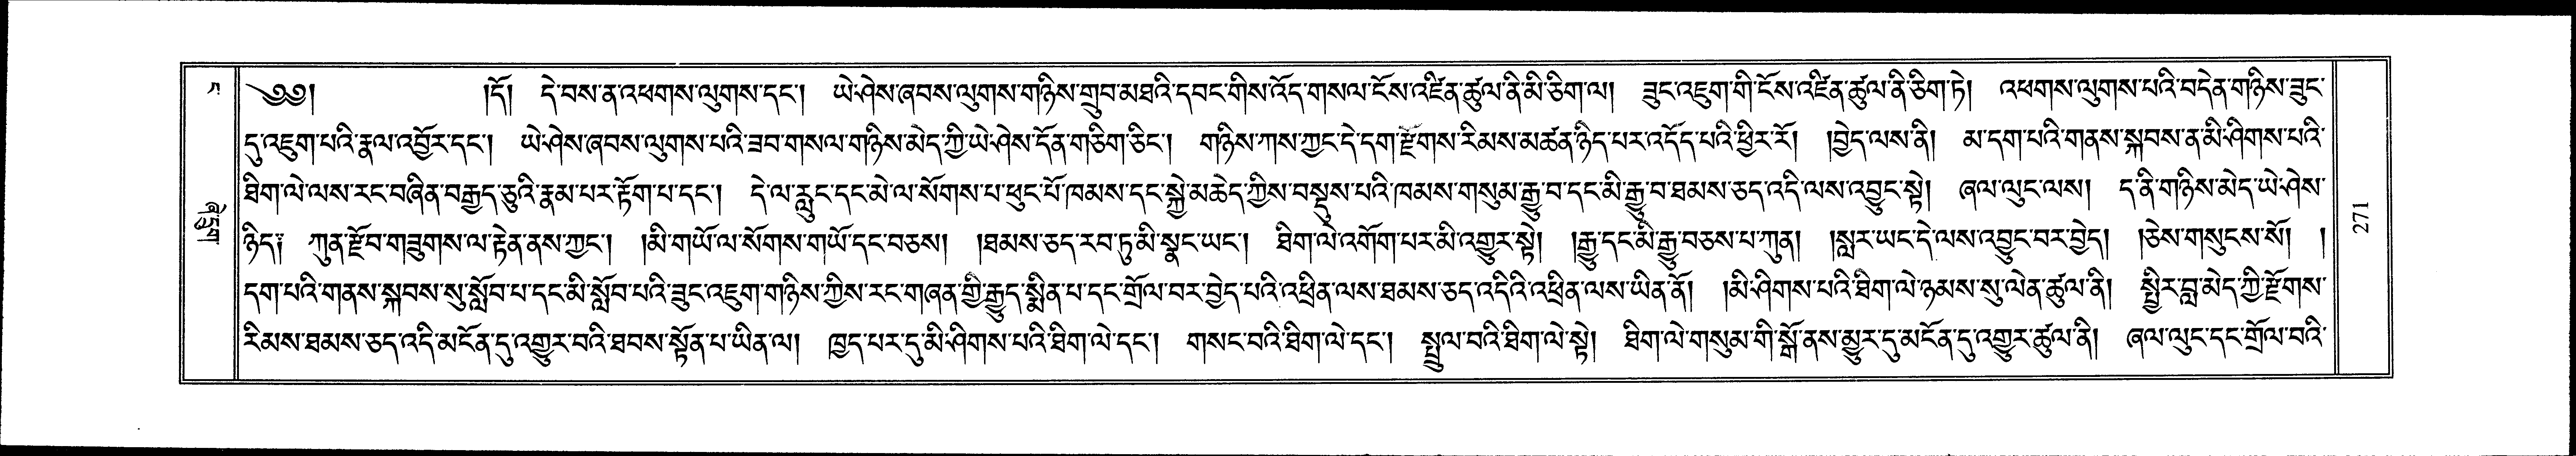༄༅། །དོ། དེ་བས་ན་འཕགས་ལུགས་དང་། ཡེ་ཤེས་ཞབས་ལུགས་གཉིས་གྲུབ་མཐའི་དབང་གིས་འོད་གསལ་ངོས་འཛིན་ཚུལ་ནི་མི་ཅིག་ལ། ཟུང་འཇུག་གི་ངོས་འཛིན་ཚུལ་ནི་ཅིག་ཏེ། འཕགས་ལུགས་པའི་བདེན་གཉིས་ཟུང་
དུ་འཇུག་པའི་རྣལ་འབྱོར་དང་། ཡེ་ཤེས་ཞབས་ལུགས་པའི་ཟབ་གསལ་གཉིས་མེད་ཀྱི་ཡེ་ཤེས་དོན་གཅིག་ཅིང་། གཉིས་ཀས་ཀྱང་དེ་དག་རྫོགས་རིམས་མཚན་ཉིད་པར་འདོད་པའི་ཕྱིར་རོ། །བྱེད་ལས་ནི། མ་དག་པའི་གནས་སྐབས་ན་མི་ཤིགས་པའི་
ཐིག་ལེ་ལས་རང་བཞིན་བརྒྱད་ཅུའི་རྣམ་པར་རྟོག་པ་དང་། དེ་ལ་རླུང་དང་མེ་ལ་སོགས་པ་ཕུང་པོ་ཁམས་དང་སྐྱེ་མཆེད་ཀྱིས་བསྡུས་པའི་ཁམས་གསུམ་རྒྱུ་བ་དང་མི་རྒྱུ་བ་ཐམས་ཅད་འདི་ལས་འབྱུང་སྟེ། ཞལ་ལུང་ལས། ད་ནི་གཉིས་མེད་ཡེ་ཤེས་
ཉིད། ཀུན་རྫོབ་གཟུགས་ལ་རྟེན་ནས་ཀྱང་། །མི་གཡོ་ལ་སོགས་གཡོ་དང་བཅས། །ཐམས་ཅད་རབ་ཏུ་མི་སྣང་ཡང་། ཐིག་ལེ་འགོག་པར་མི་འགྱུར་སྟེ། །རྒྱུ་དང་མི་རྒྱུ་བཅས་པ་ཀུན། །སླར་ཡང་དེ་ལས་འབྱུང་བར་བྱེད། །ཅེས་གསུངས་སོ། །
དག་པའི་གནས་སྐབས་སུ་སློབ་པ་དང་མི་སློབ་པའི་ཟུང་འཇུག་གཉིས་ཀྱིས་རང་གཞན་གྱི་རྒྱུད་སྨིན་པ་དང་གྲོལ་བར་བྱེད་པའི་འཕྲིན་ལས་ཐམས་ཅད་འདིའི་འཕྲིན་ལས་ཡིན་ནོ། །མི་ཤིགས་པའི་ཐིག་ལེ་ཉམས་སུ་ལེན་ཚུལ་ནི། སྤྱིར་བླ་མེད་ཀྱི་རྫོགས་
རིམས་ཐམས་ཅད་འདི་མངོན་དུ་འགྱུར་བའི་ཐབས་སྟོན་པ་ཡིན་ལ། ཁྱད་པར་དུ་མི་ཤིགས་པའི་ཐིག་ལེ་དང་། གསང་བའི་ཐིག་ལེ་དང་། སྤྲུལ་བའི་ཐིག་ལེ་སྟེ། ཐིག་ལེ་གསུམ་གི་སྒོ་ནས་མྱུར་དུ་མངོན་དུ་འགྱུར་ཚུལ་ནི། ཞལ་ལུང་དང་གྲོལ་བའི་